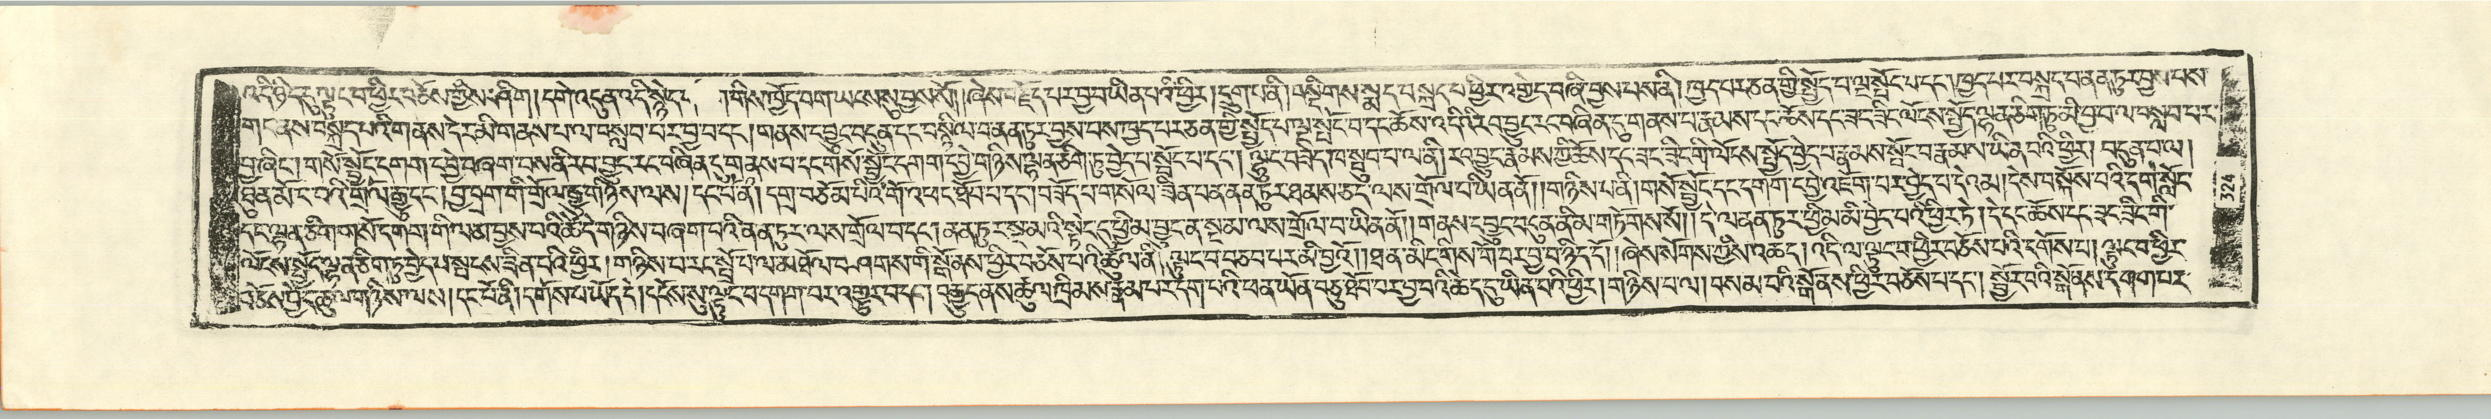འདི་ཉིད་དུ་ལྟུང་བ་ཕྱིར་བཅོས་གྱིས་ཤིག །དགེ་འདུན་འདི་སྙེད་?་དགག་གིས་ཁྱོད་བག་ཡངས་སུ་བྱས་སོ། །ཞེས་བརྗོད་པར་བྱ་བ་ཡིན་པའི་ཕྱིར། དྲུག་པ་ནི། བསྡིགས་སྨད་བསྐྲད་པ་ཕྱིར་འགྱེད་བཞི་བྱས་པས་ནི། ཁྱད་པར་ཅན་གྱི་སྤྱོད་པ་ལྔ་སྤོང་པ་དང་། ཁྱད་པར་བསྐྲད་པ་ནན་ཏུར་བྱས་པས་
གང་ནས་བསྐྲད་པའི་གནས་དེར་མི་གནས་པ་ལ་བསླབ་པར་བྱ་བ་དང་། གནས་དབྱུང་བདུན་དང་བསྙིལ་བ་ནན་ཏུར་བྱས་པས་ཁྱད་པར་ཅན་གྱི་སྤྱོད་པ་ལྔ་སྤོང་བ་དང་ཆོས་འདིའི་རབ་བྱུང་རང་བཞིན་དུ་གནས་པ་རྣམས་དང་ཆོས་དང་ཟང་ཟིང་ལོངས་སྤྱོད་ལྷན་ཅིག་ཏུ་མི་བྱ་བ་ལ་བསླབ་པར་
བྱ་ཞིང་། གསོ་སྦྱོང་དགག་དབྱེ་བཞག་པས་ནི་རབ་བྱུང་རང་བཞིན་དུ་གནས་པ་དང་གསོ་སྦྱོང་དགག་དབྱེ་གཉིས་ལྷན་ཅིག་ཏུ་བྱེད་པ་སྤོང་པ་དང་། ལྷུང་བཟེད་ཁ་སྤུབ་པ་ལ་ནི། རབ་བྱུང་རྣམས་ཀྱི་ཆོས་དང་ཟང་ཟིང་གི་ལོངས་སྤྱོད་བྱེད་པ་རྣམས་སྤོང་བ་རྣམས་ཡིན་པའི་ཕྱིར། བདུན་པ་ལ།
ཐུན་མོང་བའི་གྲོལ་རྒྱུ་དང་། བྱ་བྲག་གི་གྲོལ་རྒྱུ་གཉིས་ལས། དང་པོ་ནི། དགྲ་བཅོམ་པའི་གོ་འཕང་ཐོབ་པ་དང་། བཟོད་པ་གསོལ་ཟིན་པ་ནན་ཏུར་ཐམས་ཅད་ལས་གྲོལ་བ་ཡིན་ནོ། །གཉིས་པ་ནི། གསོ་སྦྱོང་དང་དགག་དབྱེ་འཇོག་པར་བྱེད་པ་དེའམ། དེས་བསྐོས་པའི་དགེ་སློང་
དང་ལྷན་ཅིག་གསོ་དགག་གི་ལམ་བྱས་པའི་ཚེ་དེ་གཉིས་བཞག་པའི་ནན་ཏུར་ལས་གྲོལ་བ་དང་། ནན་ཏུར་སྔ་མའི་སྟེང་དུ་ཕྱི་མ་བྱུང་ན་སྔ་མ་ལས་གྲོལ་བ་ཡིན་ནོ། །གནས་དབྱུང་བདུན་ནི་མ་གཏོགས་སོ། །དེ་ལ་ནན་ཏུར་ཕྱི་མ་མི་བྱེད་པའི་ཕྱིར་ཏེ། དེ་དང་ཆོས་དང་ཟང་ཟིང་གི་
ལོངས་སྤྱོད་ལྷན་ཅིག་ཏུ་བྱེད་པ་སྤངས་ཟིན་པའི་ཕྱིར། གཉིས་པ་རང་སྤྲོ་པ་ལ་མཐོལ་བཤགས་གི་སྒོ་ནས་ཕྱིར་བཅོས་པའི་ཚུལ་ནི། ལྟུང་བ་བཅབ་པར་མི་བྱའོ། །ཐ་ན་མིང་གིས་གོ་བར་བྱ་བ་ཉིད་དོ། །ཞེས་སོགས་ཀྱིས་འཆད། འདི་ལ་ལྟུང་བ་ཕྱིར་བཅོས་པའི་དགོས་པ། ལྟུང་བ་ཕྱིར་
བཅོས་བྱེད་ཚུལ་གཉིས་ལས། དང་པོ་ནི། དགོས་པ་ཡོད་དེ། དངོས་སུ་ལྟུང་བ་དགག་པར་འགྱུར་བ་དང་། བརྒྱུད་ནས་ཚུལ་ཁྲིམས་རྣམ་པར་དག་པའི་ཕན་ཡོན་བཅུ་ཐོབ་པར་བྱ་བའི་ཆེད་དུ་ཡིན་པའི་ཕྱིར། གཉིས་པ་ལ། བསམ་པའི་སྒོ་ནས་ཕྱིར་བཅོས་པ་དང་། སྦྱོར་བའི་སྒོ་ནས་དགག་པར་